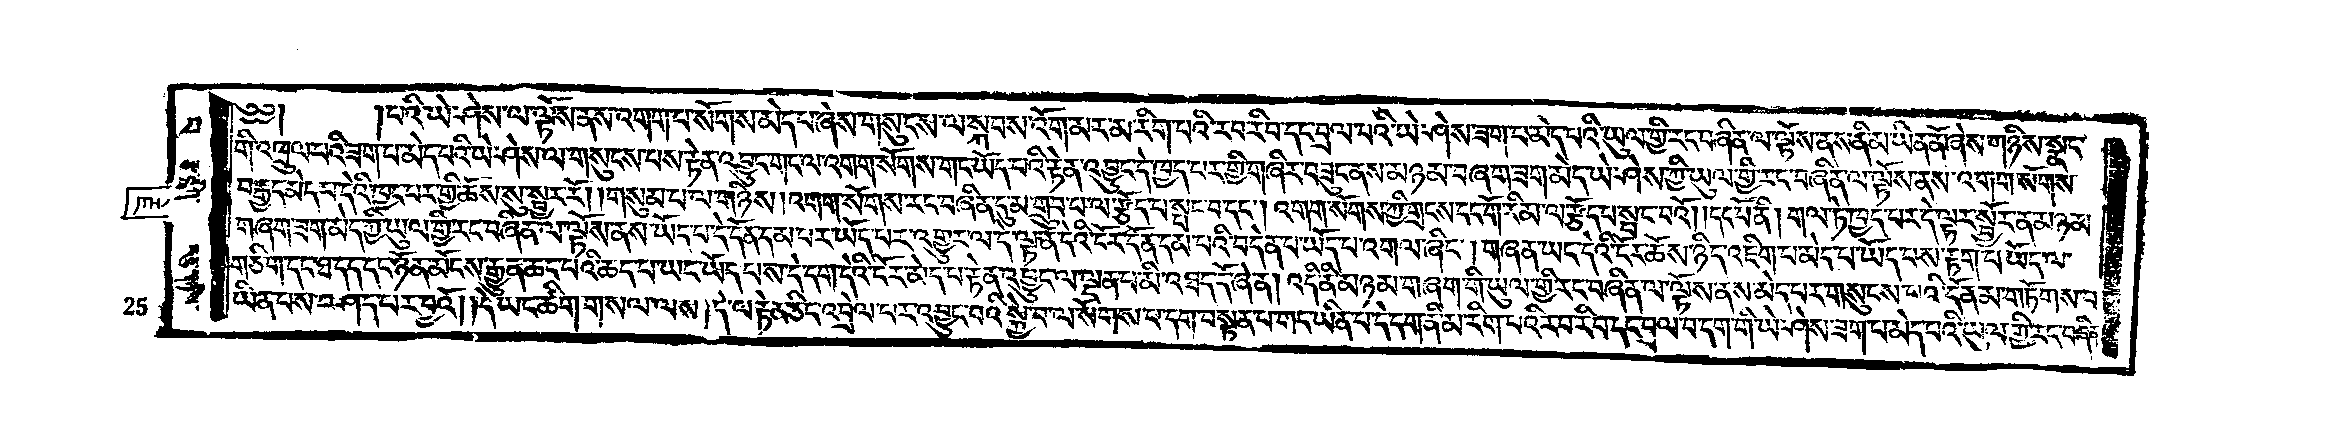༄༅། །པའི་ཡེ་ཤེས་ལ་ལྟོས་ནས་འགག་པ་སོགས་མེད་པ་ཞེས་གསུངས་ལ་སྐབས་འོག་མར་མ་རིག་པའི་རབ་རིབ་དང་བྲལ་པའི་ཡེ་ཤེས་ཟག་པ་མེད་པའི་ཡུལ་གྱི་རང་བཞིན་ལ་ལྟོས་ནས་ནི་མ་ཡིན་ནོ་ཞེས་གཉིས་སྣང་
གི་འཁྲུལ་པའི་ཟག་པ་མེད་པའི་ཡེ་ཤེས་ལ་གསུངས་པས་རྟེན་འབྱུང་གང་ལ་འགག་སོགས་གང་ཡོད་པའི་རྟེན་འབྱུང་དེ་ཁྱད་པར་གྱི་གཞིར་བཟུང་ནས་མཉམ་བཞག་ཟག་མེད་ཡེ་ཤེས་ཀྱི་ཡུལ་གྱི་རང་བཞིན་ལ་ལྟོས་ནས་འགག་སོགས་
བརྒྱད་མེད་པ་དེའི་ཁྱད་པར་གྱི་ཆོས་སུ་སྦྱར་རོ། །གསུམ་པ་ལ་གཉིས། འགག་སོགས་རང་བཞིན་དུ་མ་གྲུབ་པ་ལ་རྩོད་པ་སྤང་བ་དང་། འགག་སོགས་ཀྱི་གྲངས་དང་གོ་རིམ་ལ་རྩོད་པ་སྤང་བའོ། །དང་པོ་ནི། གལ་ཏེ་ཁྱད་པར་དེ་ལྟར་སྦྱོར་ན་མཉམ་
གཞག་ཟག་མེད་ཀྱི་ཡུལ་གྱི་རང་བཞིན་ལ་ལྟོས་ནས་ཡོད་པ་དེ་དོན་དམ་པར་ཡོད་པར་འགྱུར་ལ་དེ་ལྟ་ན་དེའི་ངོར་དོན་དམ་པའི་བདེན་པ་ཡོད་པ་འགལ་ཞིང་། གཞན་ཡང་དེའི་ངོར་ཆོས་ཉིད་འཇིག་པ་མེད་པ་ཡོད་པས་རྟག་པ་ཡོད་ལ་
གཅིག་དང་ཐ་དད་དང་ཉོན་མོངས་རྒྱུན་ཆད་པའི་ཆད་པ་ཡང་ཡོད་པས་དེ་དག་དེའི་ངོར་མེད་པ་རྟེན་འབྱུང་ལ་ལྡན་པ་མི་འཐད་དོ་ཞེ་ན། འདི་ནི་མཉམ་གཞག་གི་ཡུལ་གྱི་རང་བཞིན་ལ་ལྟོས་ནས་མེད་པར་གསུངས་པའི་དོན་མ་གཏོགས་པ་
ཡིན་པས་བཤད་པར་བྱའོ། །དེ་ཡང་ཚིག་གསལ་ལས། དེ་ལ་རྟེན་ཅིང་འབྲེལ་པར་འབྱུང་བའི་སྐྱེ་བ་ལ་སོགས་པ་དག་བསྟན་པ་གང་གི་ཡིན་པ་དེ་དག་ནི་མ་རིག་པའི་རབ་རིབ་དང་བྲལ་བ་དག་གི་ཡེ་ཤེས་ཟག་པ་མེད་པའི་ཡུལ་གྱི་རང་བཞིན་